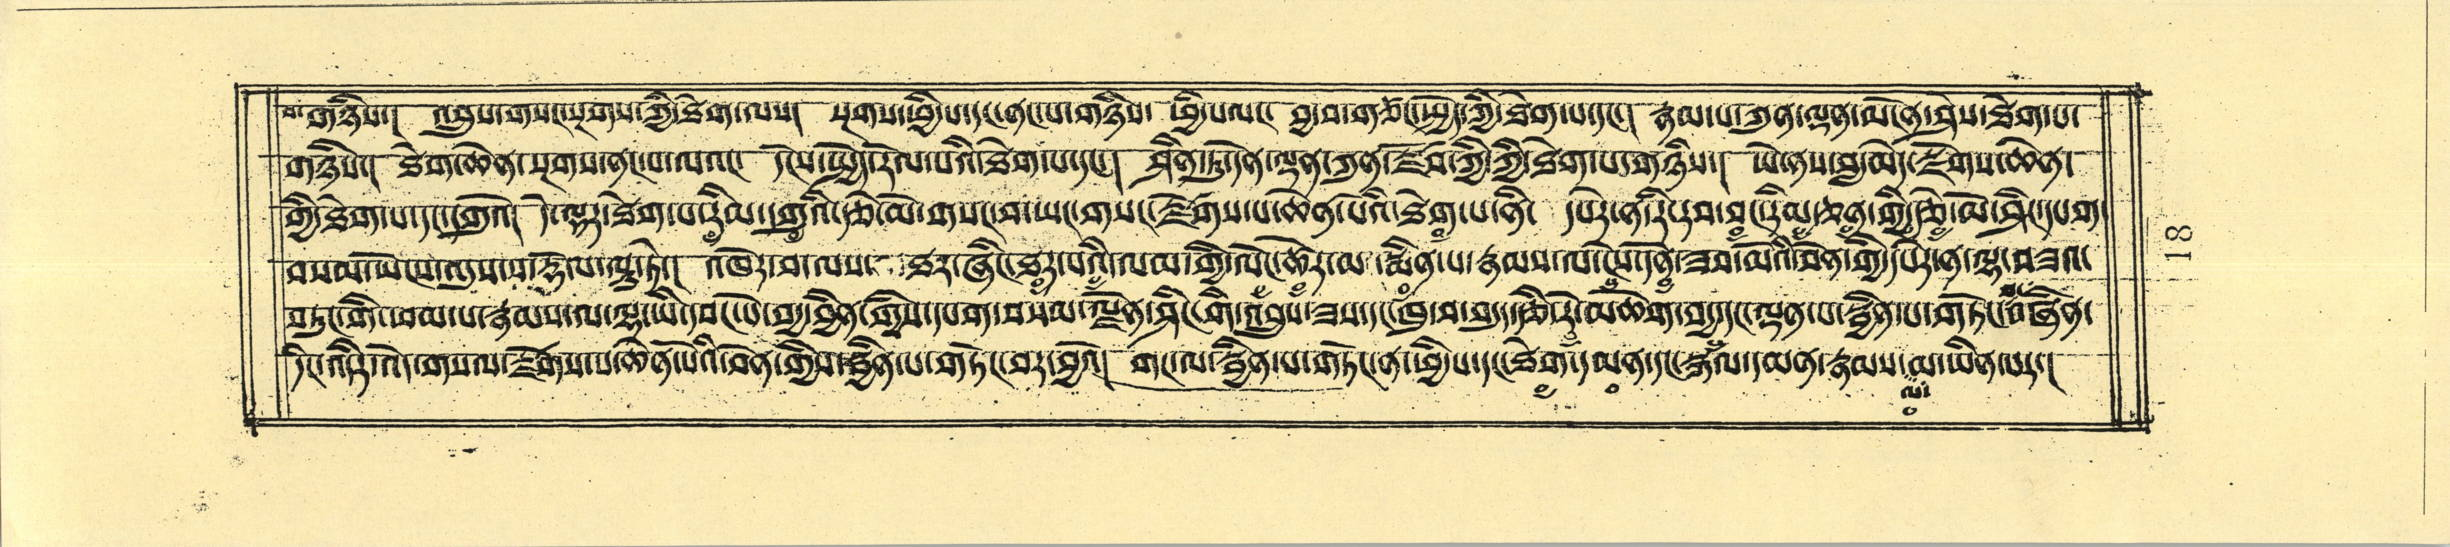བ་གཉིས། འབྲས་བུ་གསང་སྔགས་ཀྱི་ཐེག་པ་ལས། སྔགས་ཕྱི་པ་དང་ནང་པ་གཉིས། ཕྱི་པ་ལའང་བྱ་བ་གཙང་སྤྱོད་ཀྱི་ཐེག་པ་དང་། རྣམ་པ་ཀུན་ལྡན་མངོན་ཤེས་ཀྱི་ཐེག་པ་
གཉིས། ཐེག་ཆེན་སྔགས་ནང་པ་ལའང་དངོས་བསྐྱེད་རོལ་པའི་ཐེག་པ་དང་། ཤིན་ཏུ་དོན་ལྡན་ཀུན་རྫོབ་ཀྱི་ཐེག་པ་གཉིས། ཡེ་ནས་བླ་མེད་རྫོགས་ཆེན་
གྱི་ཐེག་པ་དང་དགུའོ། །དེ་ལྟར་ཐེག་པ་རིམ་དགུའི་རྩེ་མོ་གསང་བ་ཡང་གསང་རྫོགས་པ་ཆེན་པོའི་ཐེག་པ་ནི། དཔེར་ན་རི་རབ་བང་རིམ་ཅན་གྱི་རྩེ་མོ་ཤིང་དཔག་
བསམ་ཡོངས་འདུ་ས་བརྟོལ་ལྟ་བུ་སྟེ། འཁོར་བ་ལས་ཐར་ཞིང་ཐར་པའི་ལང་ཚོར་མ་སྨིན་པ་རྣམས་ལ་ངེས་དོན་ཟབ་མོའི་བོན་གྱི་དཔེར་ན་ལྷ་བཟའ་
བཏུང་གིས་ཕམ་པ་རྣམས་ལ་ལྷ་ཡི་དབང་པོ་བརྒྱ་བྱིན་གྱིས་དཔག་བསམ་ལྗོན་ཤིང་གི་འབྲས་བུ་ཟས་དང་ཁུ་བ་བདུད་རྩི་རོ་མཆོག་བརྒྱ་དང་ལྡན་པ་སྦྱིན་པ་གཏོང་བཞིན་
དེང་འདིར་འོད་གསལ་རྫོགས་པ་ཆེན་པོའི་བོན་གྱིས་སྦྱིན་པ་གཏོང་བར་བྱའོ། གང་ལ་སྦྱིན་པ་གཏོང་ན་ཕྱི་པ་དང་ཐེག་དམན་སྐལ་དམན་རྣམས་མ་ཡིན་པར་